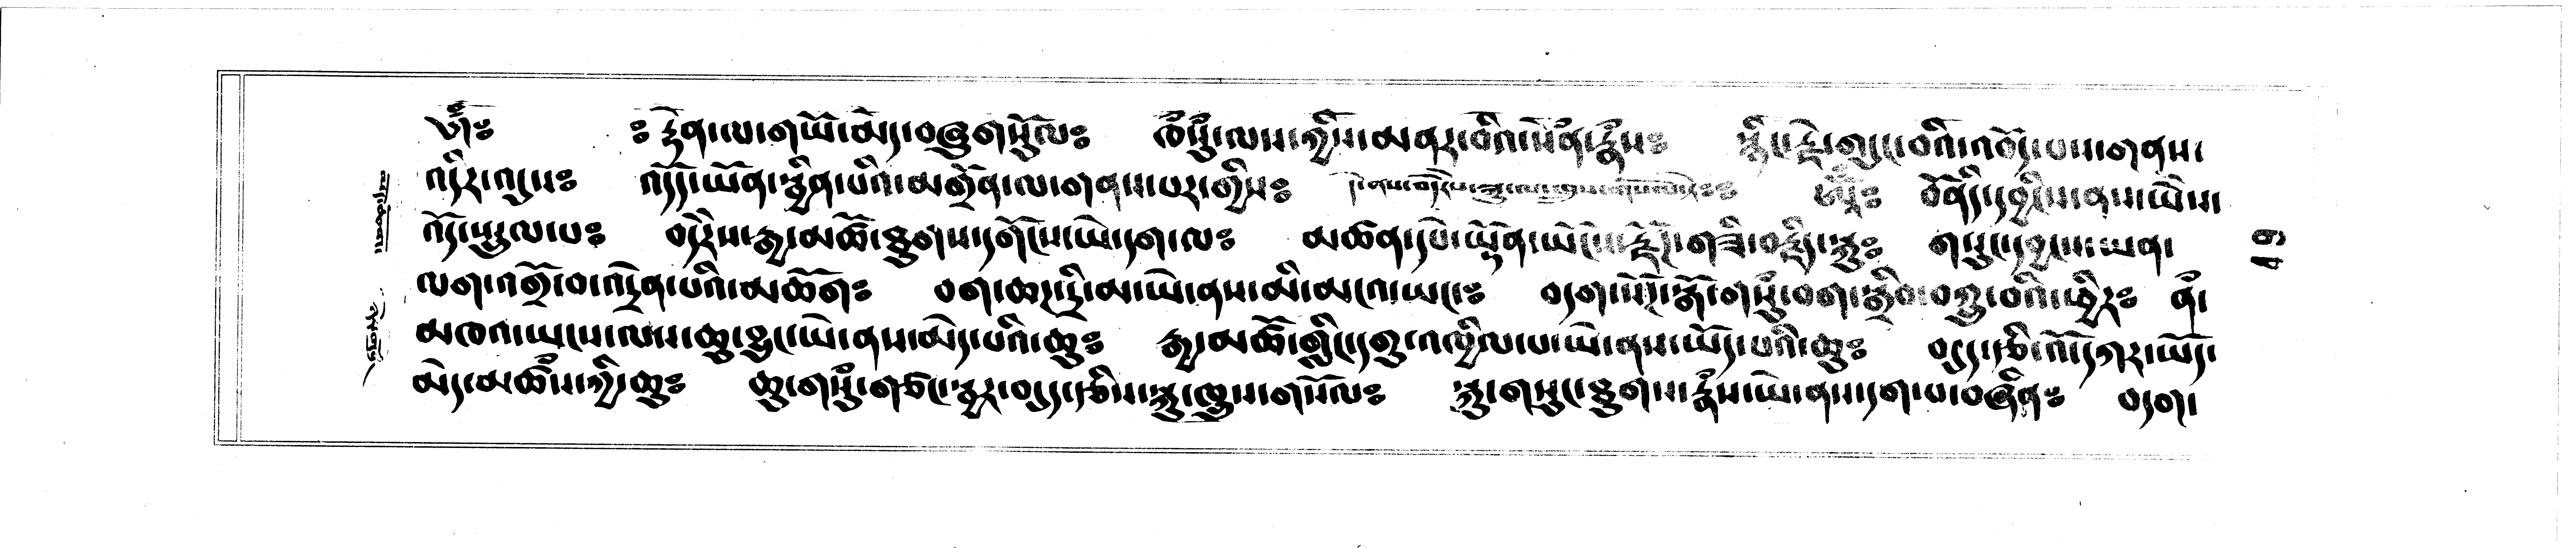རྟེན་ལ་གཡོ་མེད་བཞུགས་སུ་གསོལཿ ཁམས་གསུམ་ལས་ཀྱིས་མནར་བའི་སེམས་ཅན་རྣམསཿ སྙིང་རྗེ་གདུང་བའི་འབོད་པས་གནས་
འདིར་འདུསཿ འདོད་ཡོན་སྦྱིན་པའི་མགྲོན་ལ་གནས་པར་གྱིསཿ དེ་ནས་བདེར་གཤེགས་སྐུ་ལ་ཁྲུས་གསོལ་ཏེཿ ཨཱོྃཿ བོན་ཉིད་དབྱིངས་ནས་ཡེ་ཤེས་
འོད་སྤྲུལ་པཿ བདེར་གཤེགས་རྒྱ་མཚོ་ཐུགས་དགོངས་ཡེ་དག་ལཿ མཚན་དཔེ་ཡོན་ཏན་ཡོངས་རྫོགས་གཟི་བརྗིད་སྐུཿ གསུང་དབྱངས་ཡན་
ལག་འགྲོ་བ་འདྲེན་པའི་མཆོགཿ བག་ཆགས་དྲི་མ་ཡེ་ནས་མི་མངའ་ཡངཿ བདག་སོགས་སྒོ་གསུམ་བག་སྒྲིབ་བཀྲུ་བའི་ཕྱིརཿ ནམ་
མཁའ་ཡངས་ལས་ཆུ་བྱུང་ཡེ་ནས་མེད་པའི་ཆུཿ རྒྱ་མཚོ་གླིང་དགུ་འཁྱིལ་པ་ཡེ་ནས་ཡོད་པའི་ཆུཿ བདུད་རྩི་འོ་དཀར་ཡོད་
མེད་མཚམས་ཀྱི་ཆུཿ ཆུ་གསུམ་གཙང་སྦྱར་བདུད་རྩིས་སྐུ་ཁྲུས་གསོལཿ སྐུ་གསུང་ཐུགས་རྣམས་ཡེ་ནས་དག་པ་བཞིནཿ བདག་